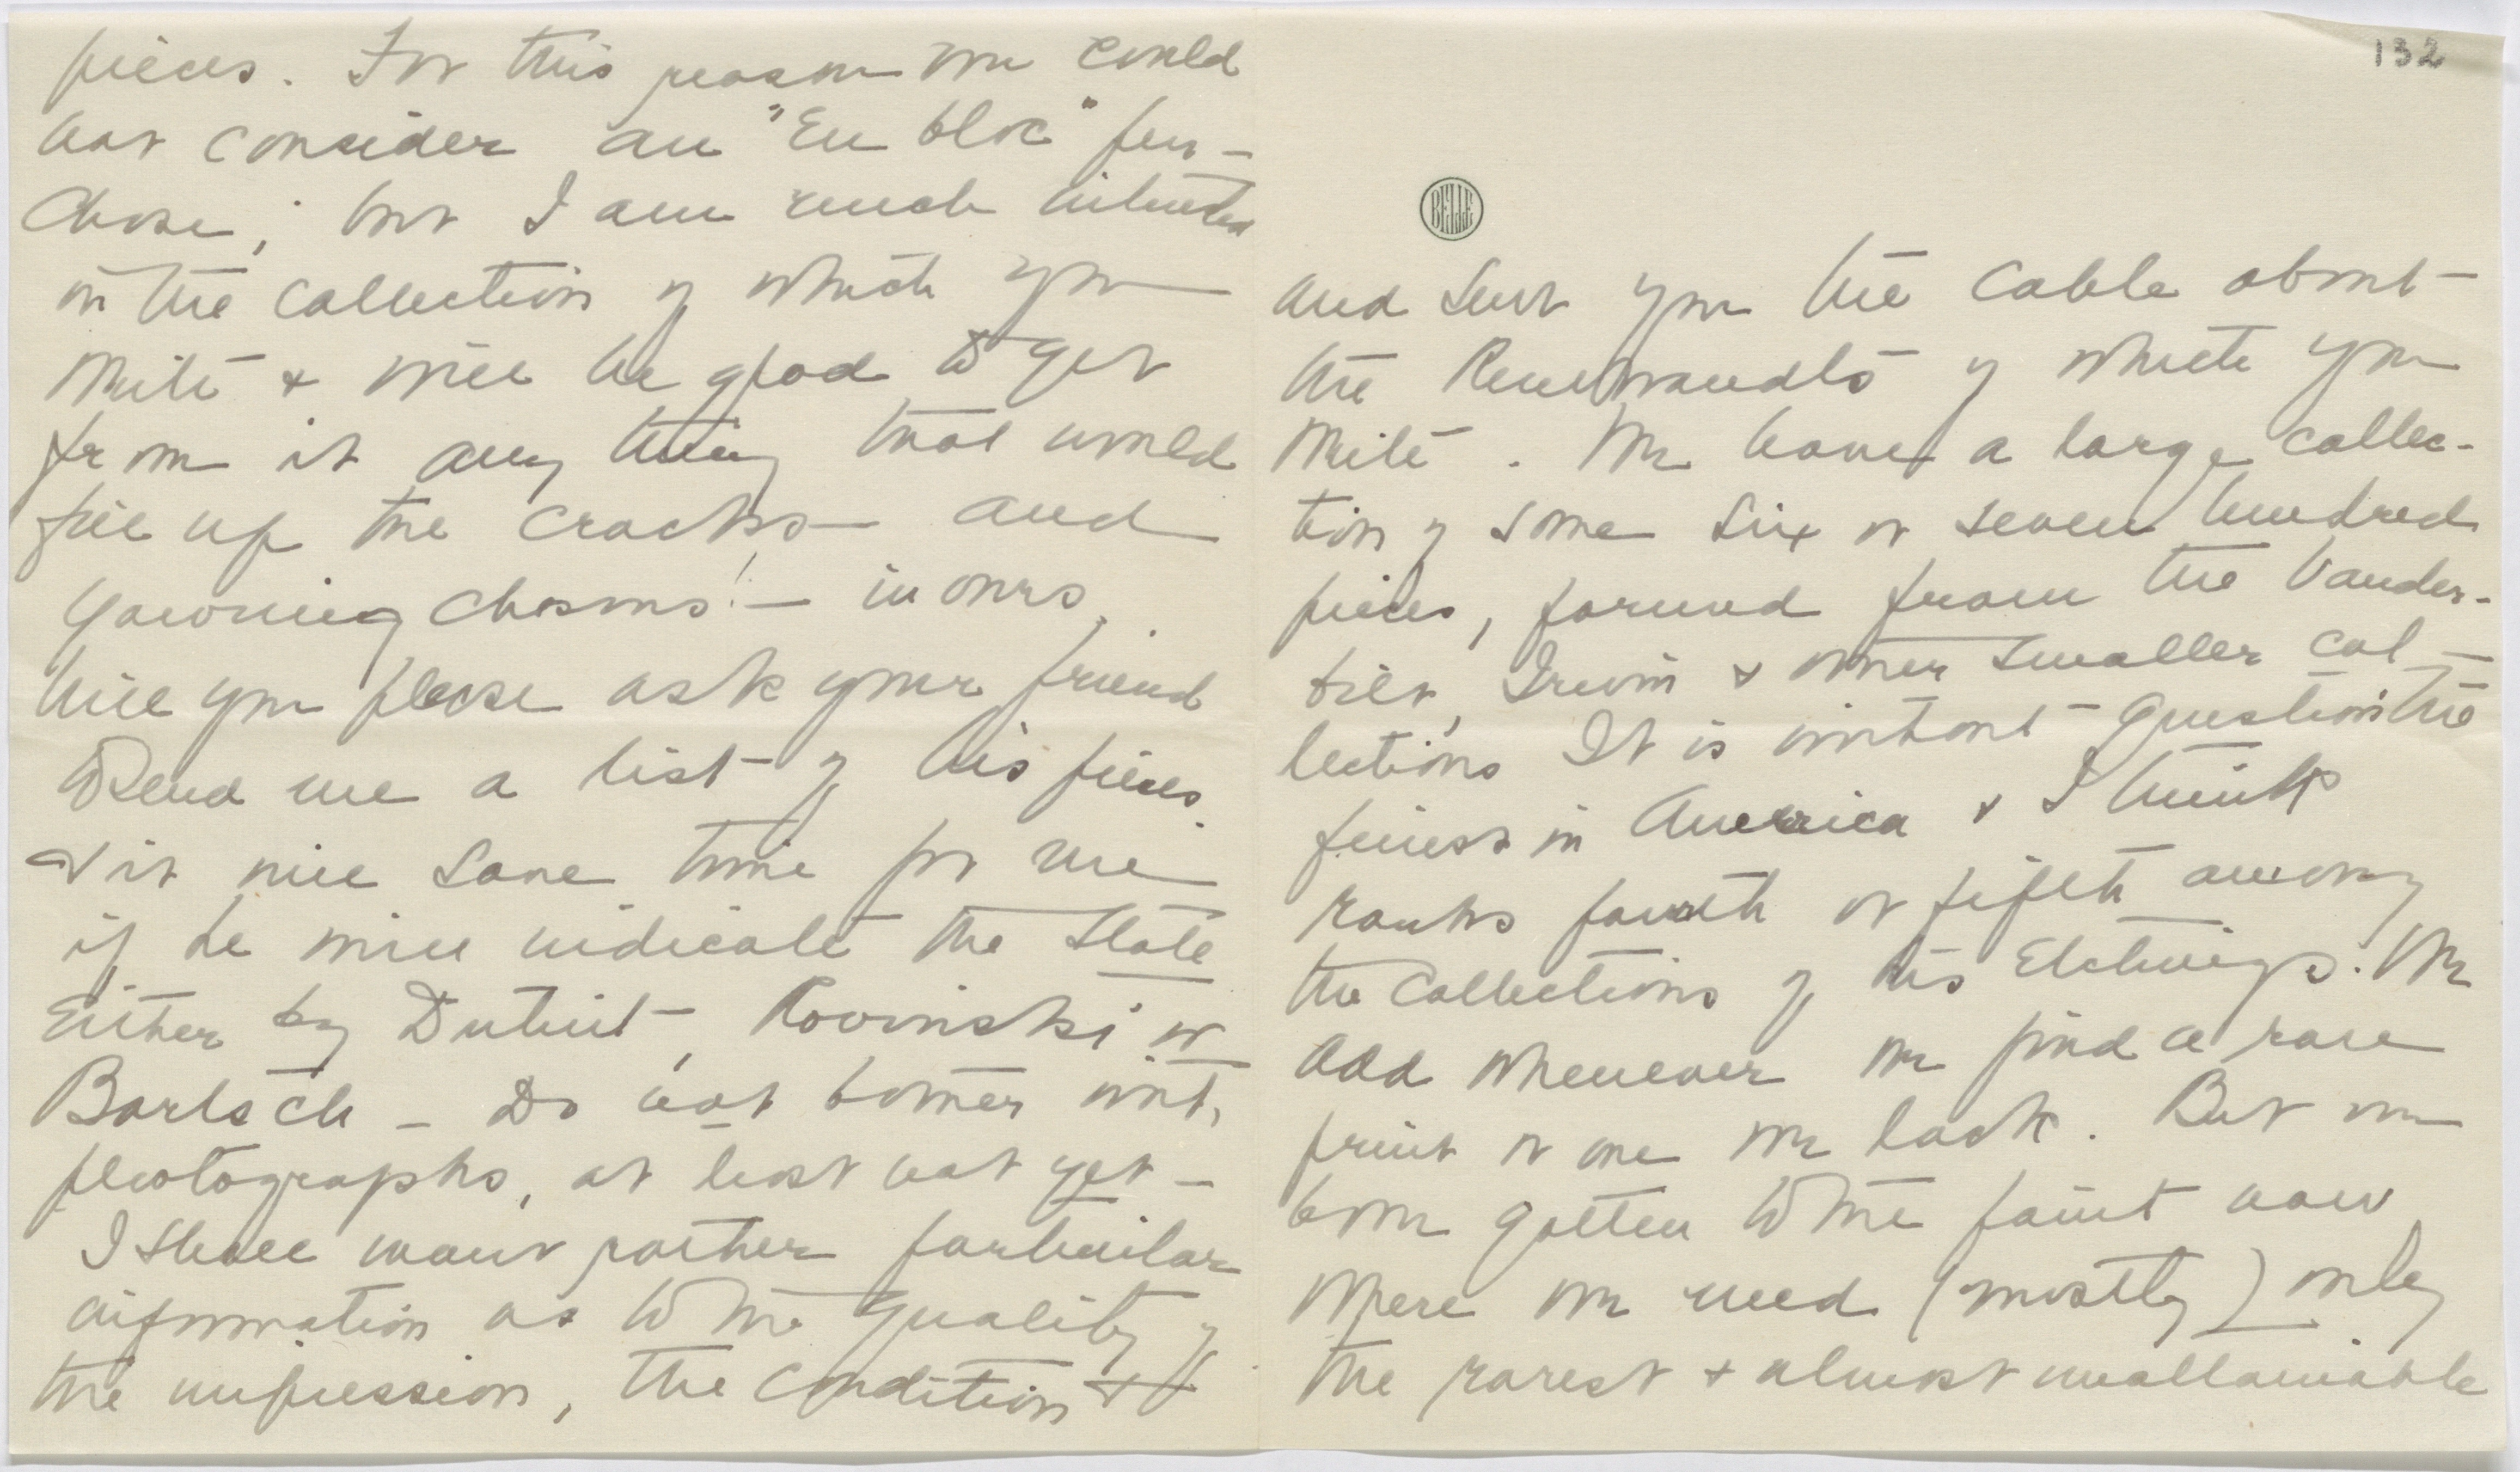and sent you the cable about the Rembrandts of which you write. We have a large collection of some six or seven hundred pieces, formed from the Vanderbilt, Irwin & other smaller collections It is without question the finest in America & I think ranks fourth or fifth among the collections of his etchings. We add whenever we find a rare print or one we lack. But we have gotten to the point now where we need (mostly) only the rarest & almost unattainable
pieces. For this reason we could not consider an “en bloc” purchase, but I am much interested in the collection of which you write & will be glad to get from it any thing that would fill up the cracks – and yawning chasms! – in ours. Will you please ask your friend to send me a list of his pieces – & it will save time for me if he will indicate the state either by Dutuit, Rovinski, or Bartsch – Do not bother with photographs, at least not yet – I shall want rather particular information as to the quality of the impression, the condition &